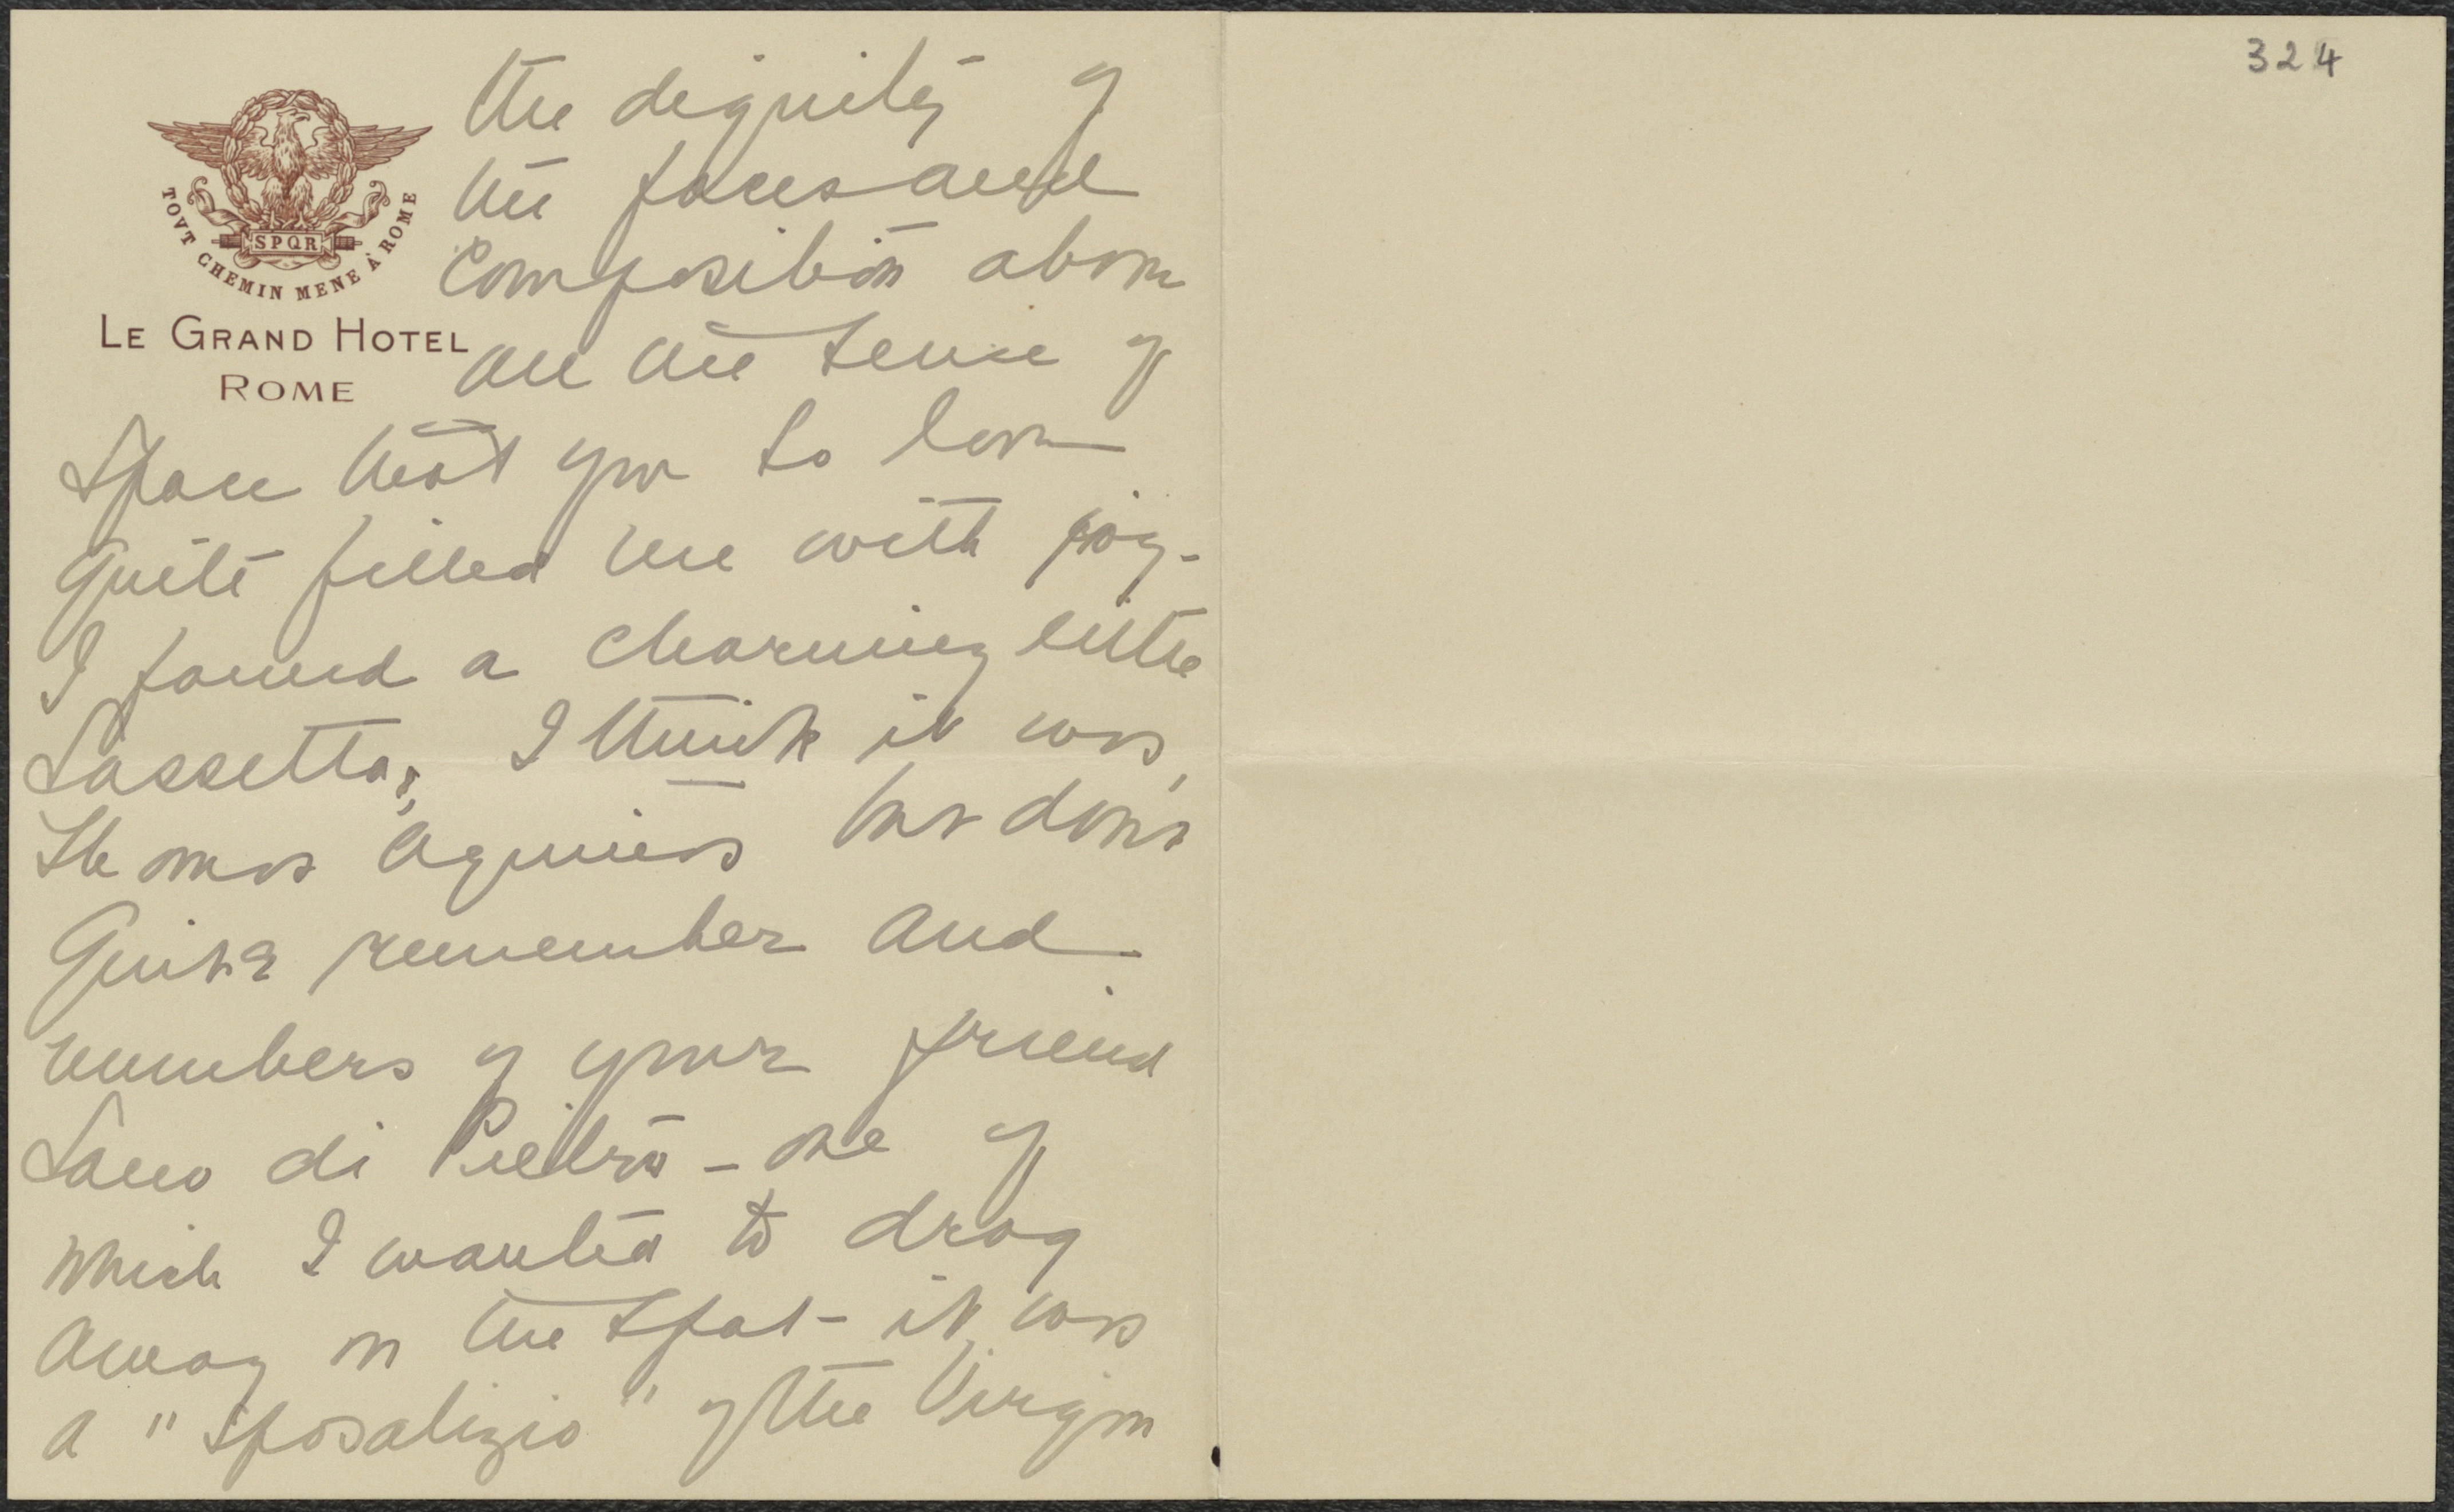the dignity of the faces and composition above all the sense of space that you so love quite filled me with joy – I found a charming little Sassetta, I think it was Thomas Aquinas but don’t quite remember and numbers of your friend Sano di Pietro – one of which I wanted to drag away on the spot – it was a “sposalizio” of the Virgin